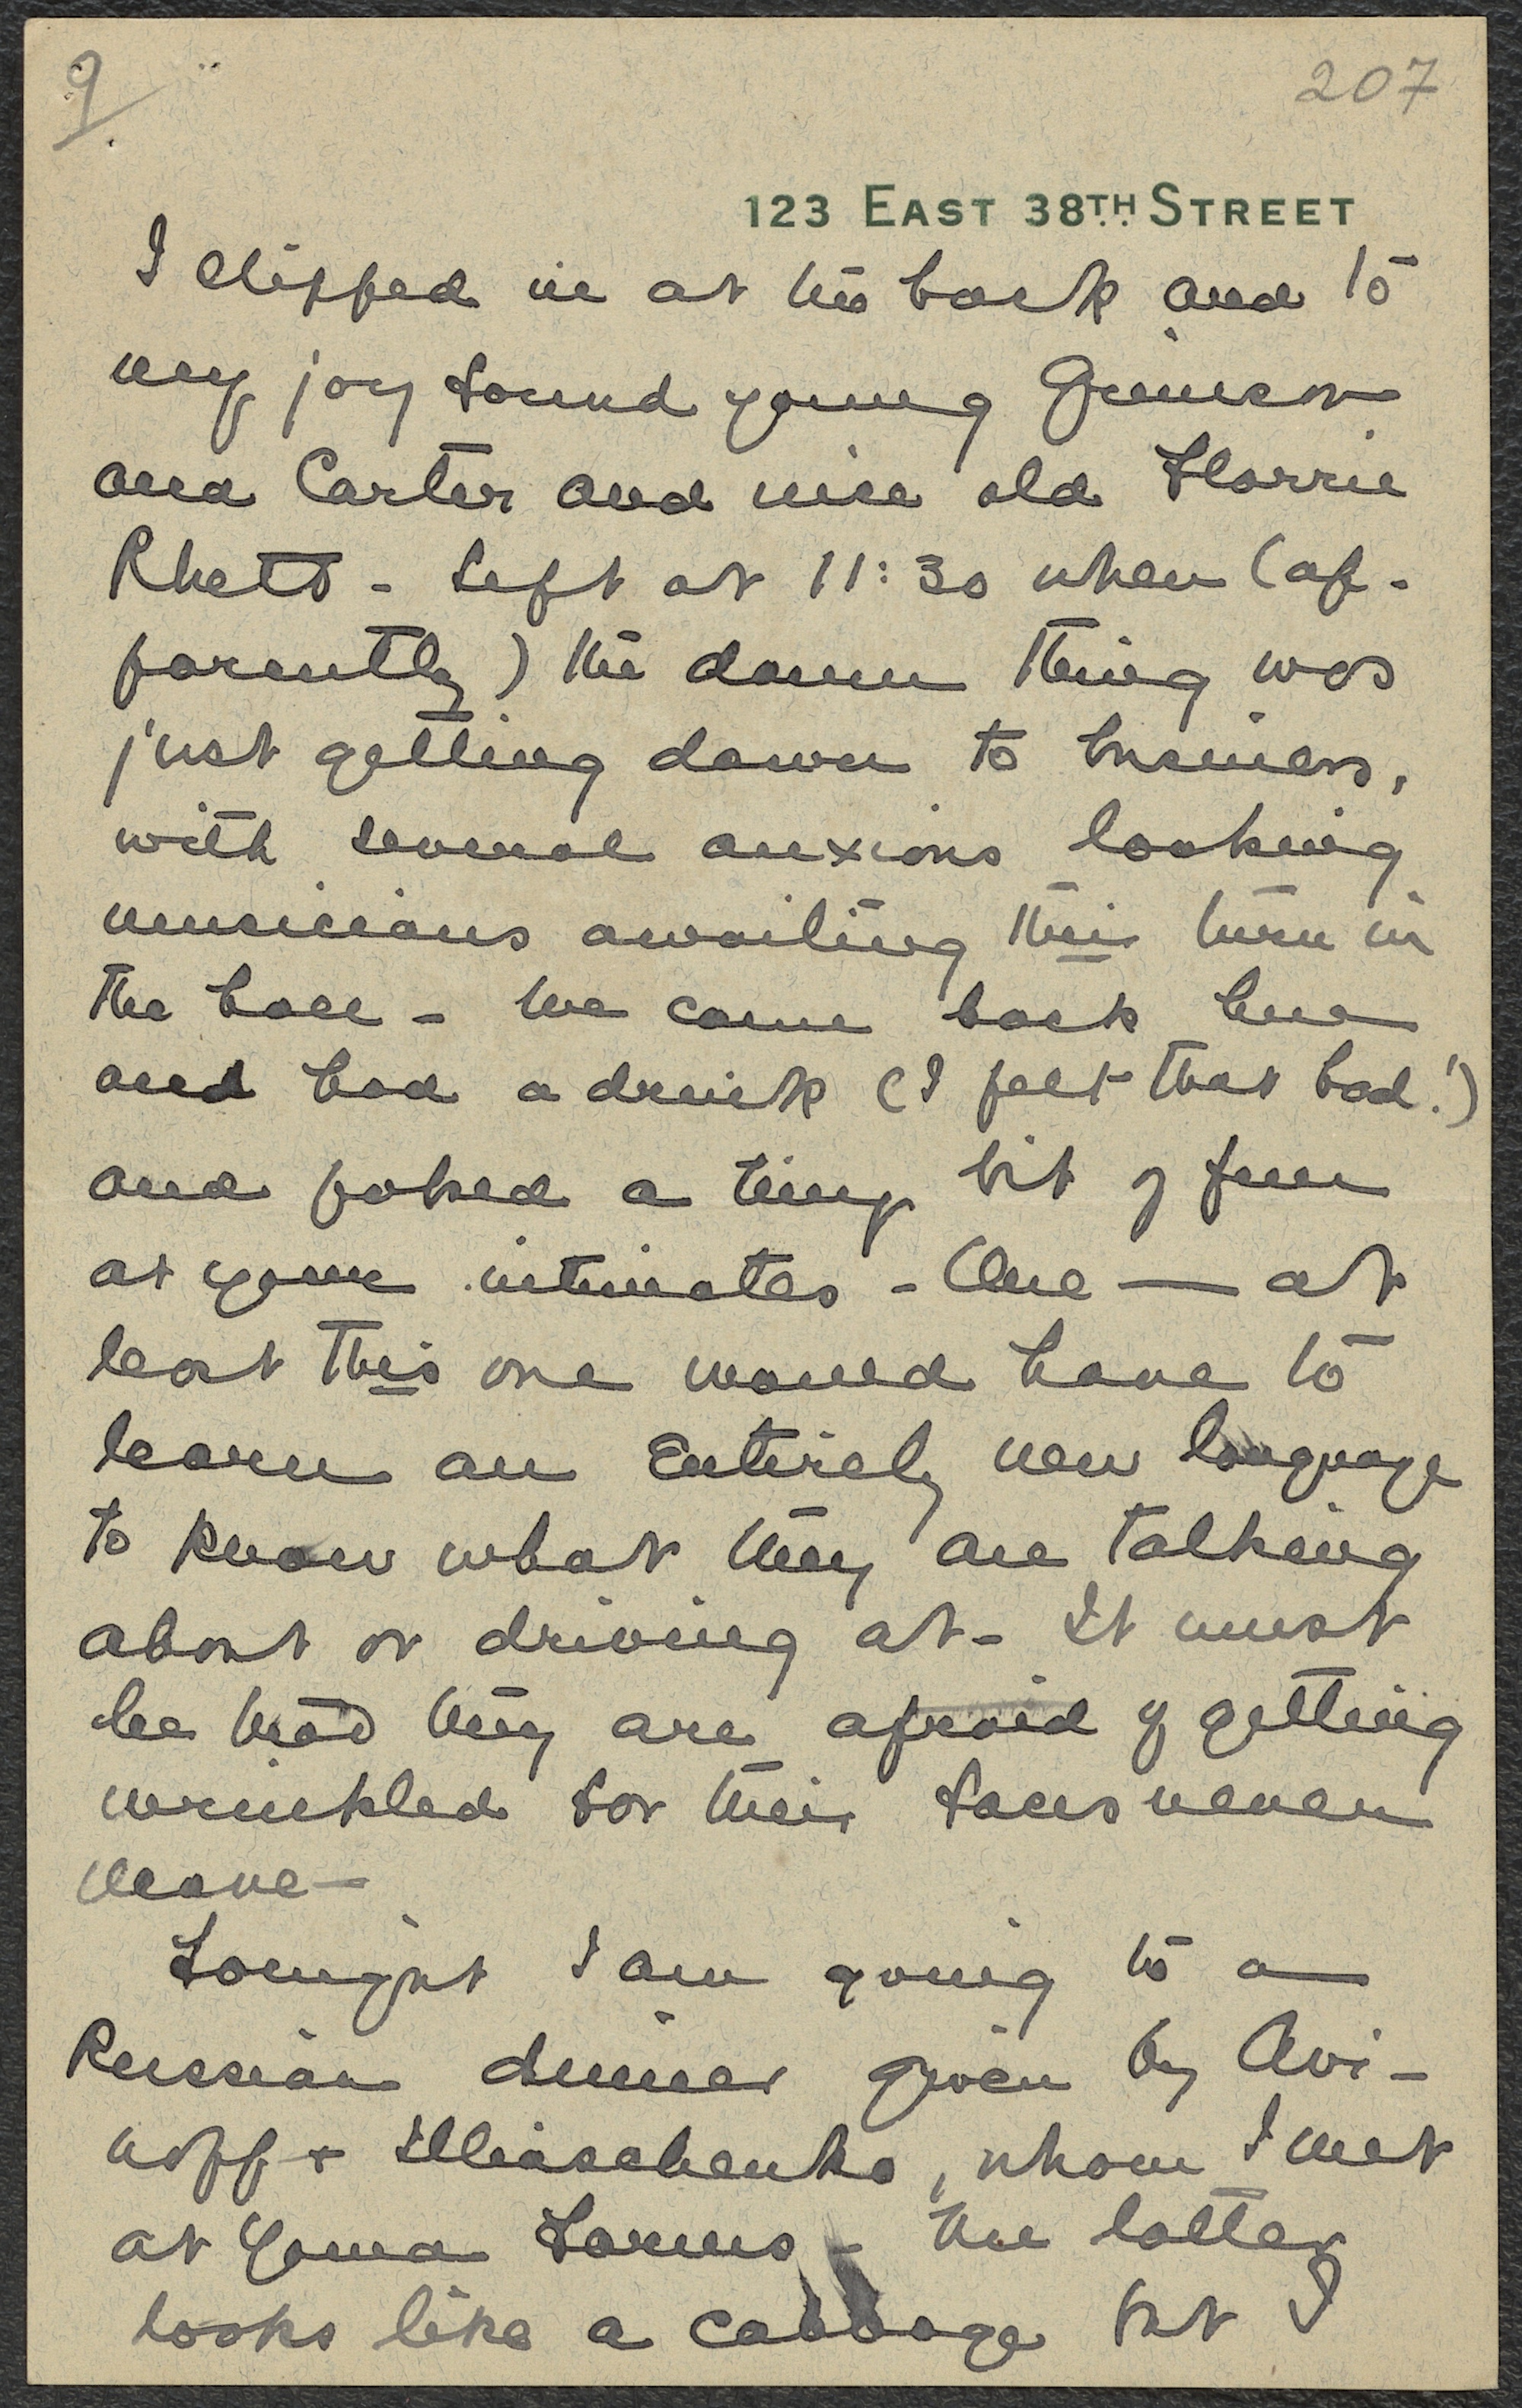I slipped in at the back and to my joy found young Grimson and Carter and nice old Florine Rhett – left at 11:30 when (apparently) the damn thing was just getting down to business, with several anxious looking musicians awaiting their turn in the hall– we came back here and had a drink (I felt that bad!) and poked a tiny bit of fun at your intimates – One – at least this one would have to learn an entirely new language to know what they are talking about or driving at – It must be that they are afraid of getting wrinkled for their faces never move –
Tonight I am going to a Russian dinner given by Avinoff & Illiaschenko, whom I met at Yama Farms – the latter looks like a cabbage but I